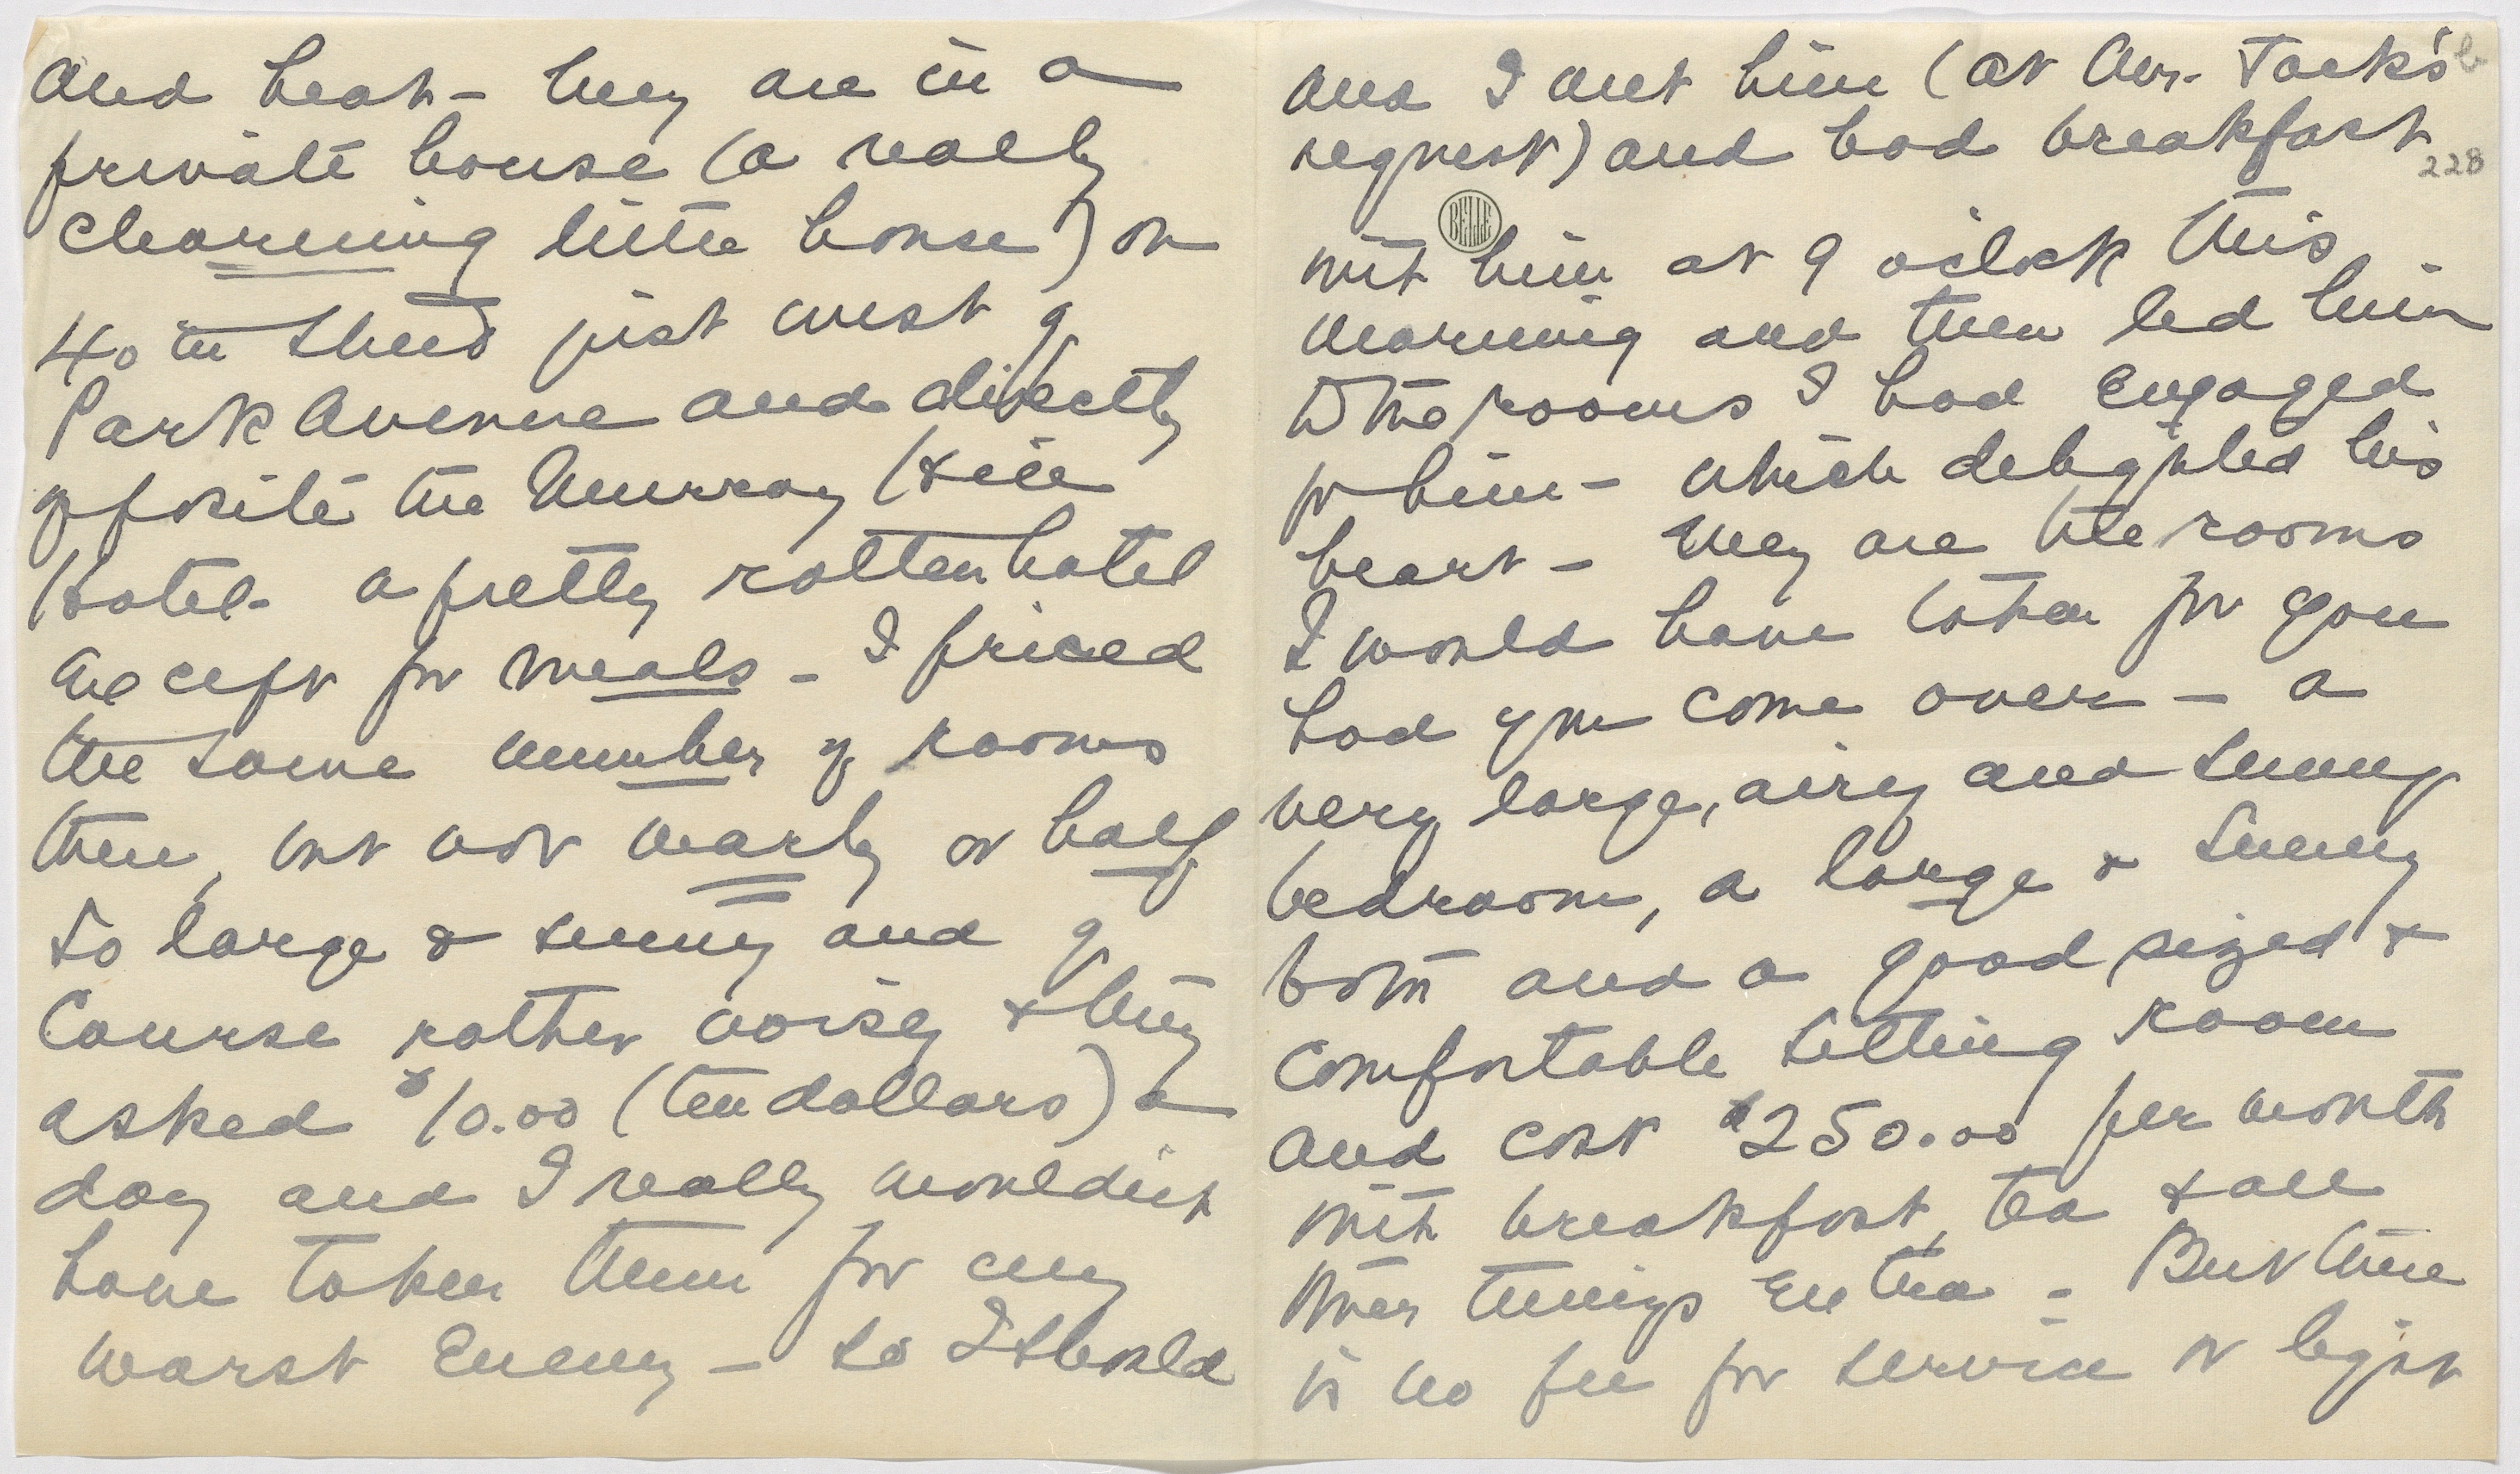and I met him (at Mr. Jack’s request) and had breakfast with him at 9 o’clock this morning and then led him to the rooms I had engaged for him – which delighted his heart – they are the rooms I would have taken for you had you come over – a very large, airy and sunny bedroom, a large & sunny bath and a good sized & comfortable sitting room and cost $250.00 per month with breakfast, tea & all other things extra – But there is no fee for service or light
and heat – they are in a private house (a really charming little house) on 40th street just west of Park Avenue and directly opposite the Murray Hill Hotel – a pretty rotten hotel except for meals – I priced the same number of rooms there, but not [double underlined: nearly] or half so large & sunny and of course rather noisy & they asked $10.00 (ten dollars) a day and I really wouldn’t have taken them for my worst enemy – so I should